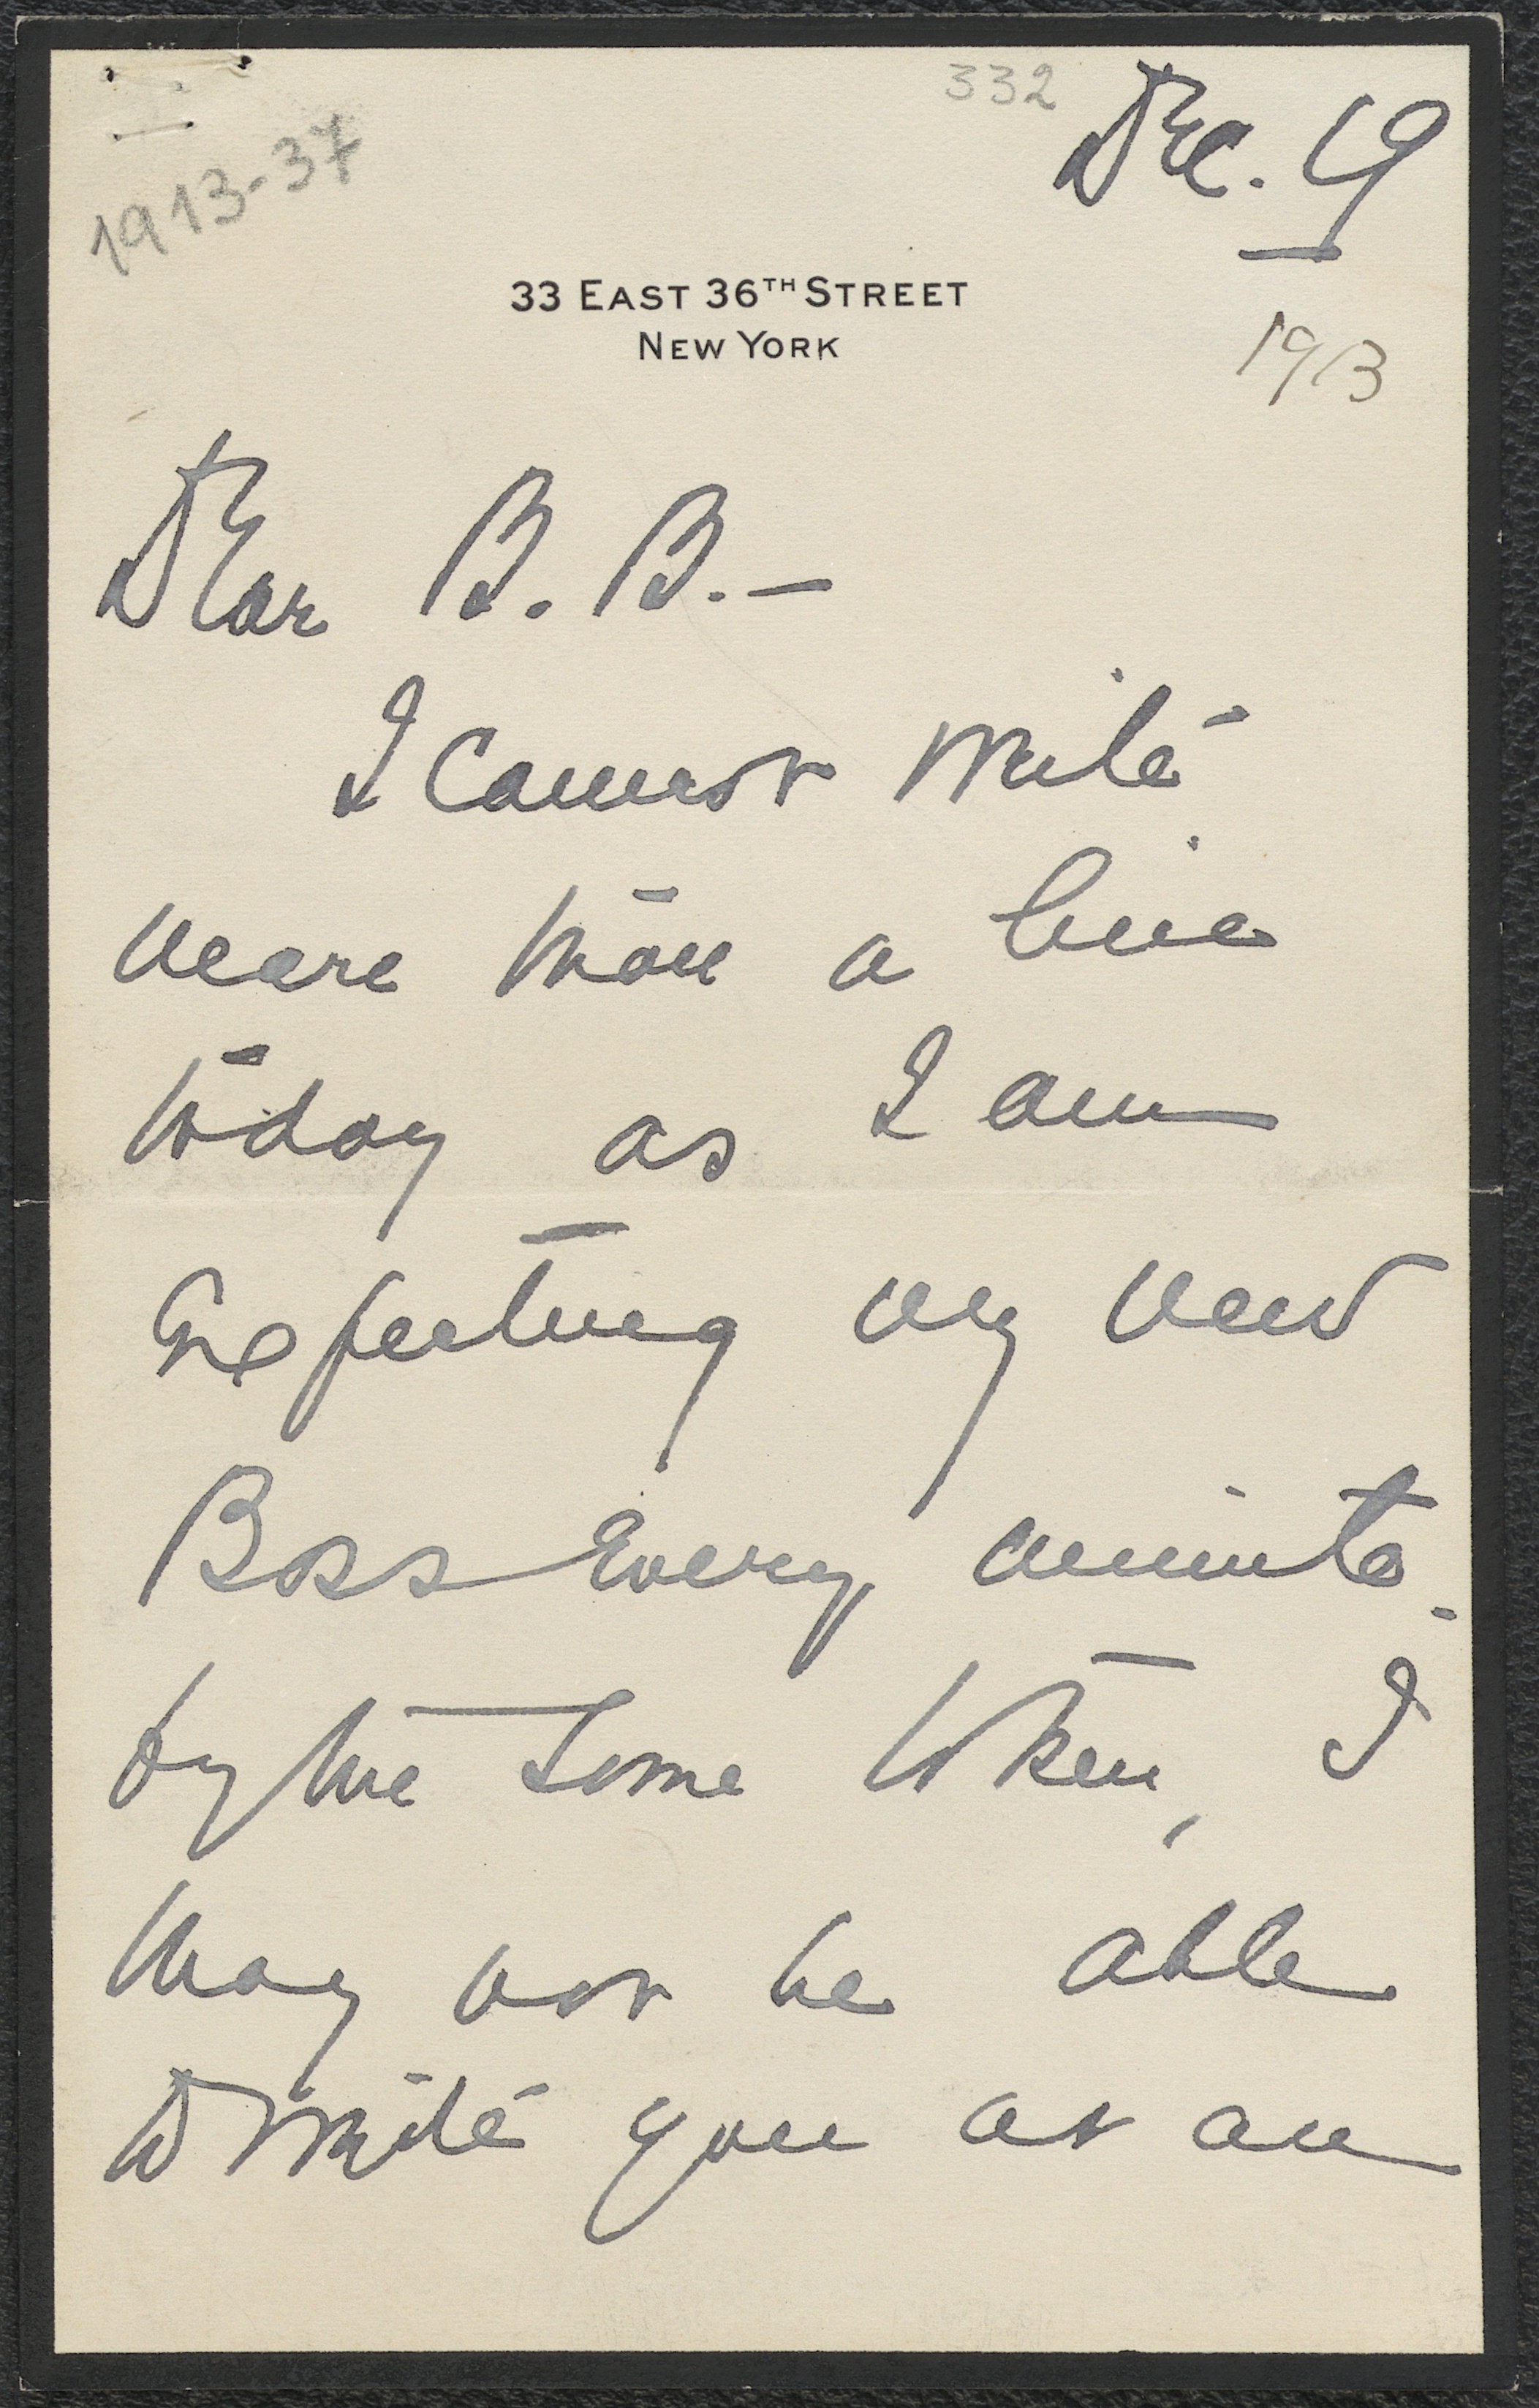Dec. 19
Dear B. B. –
I cannot write more than a line today as I am expecting my new Boss every minute – by the same token, I may not be able to write you at all